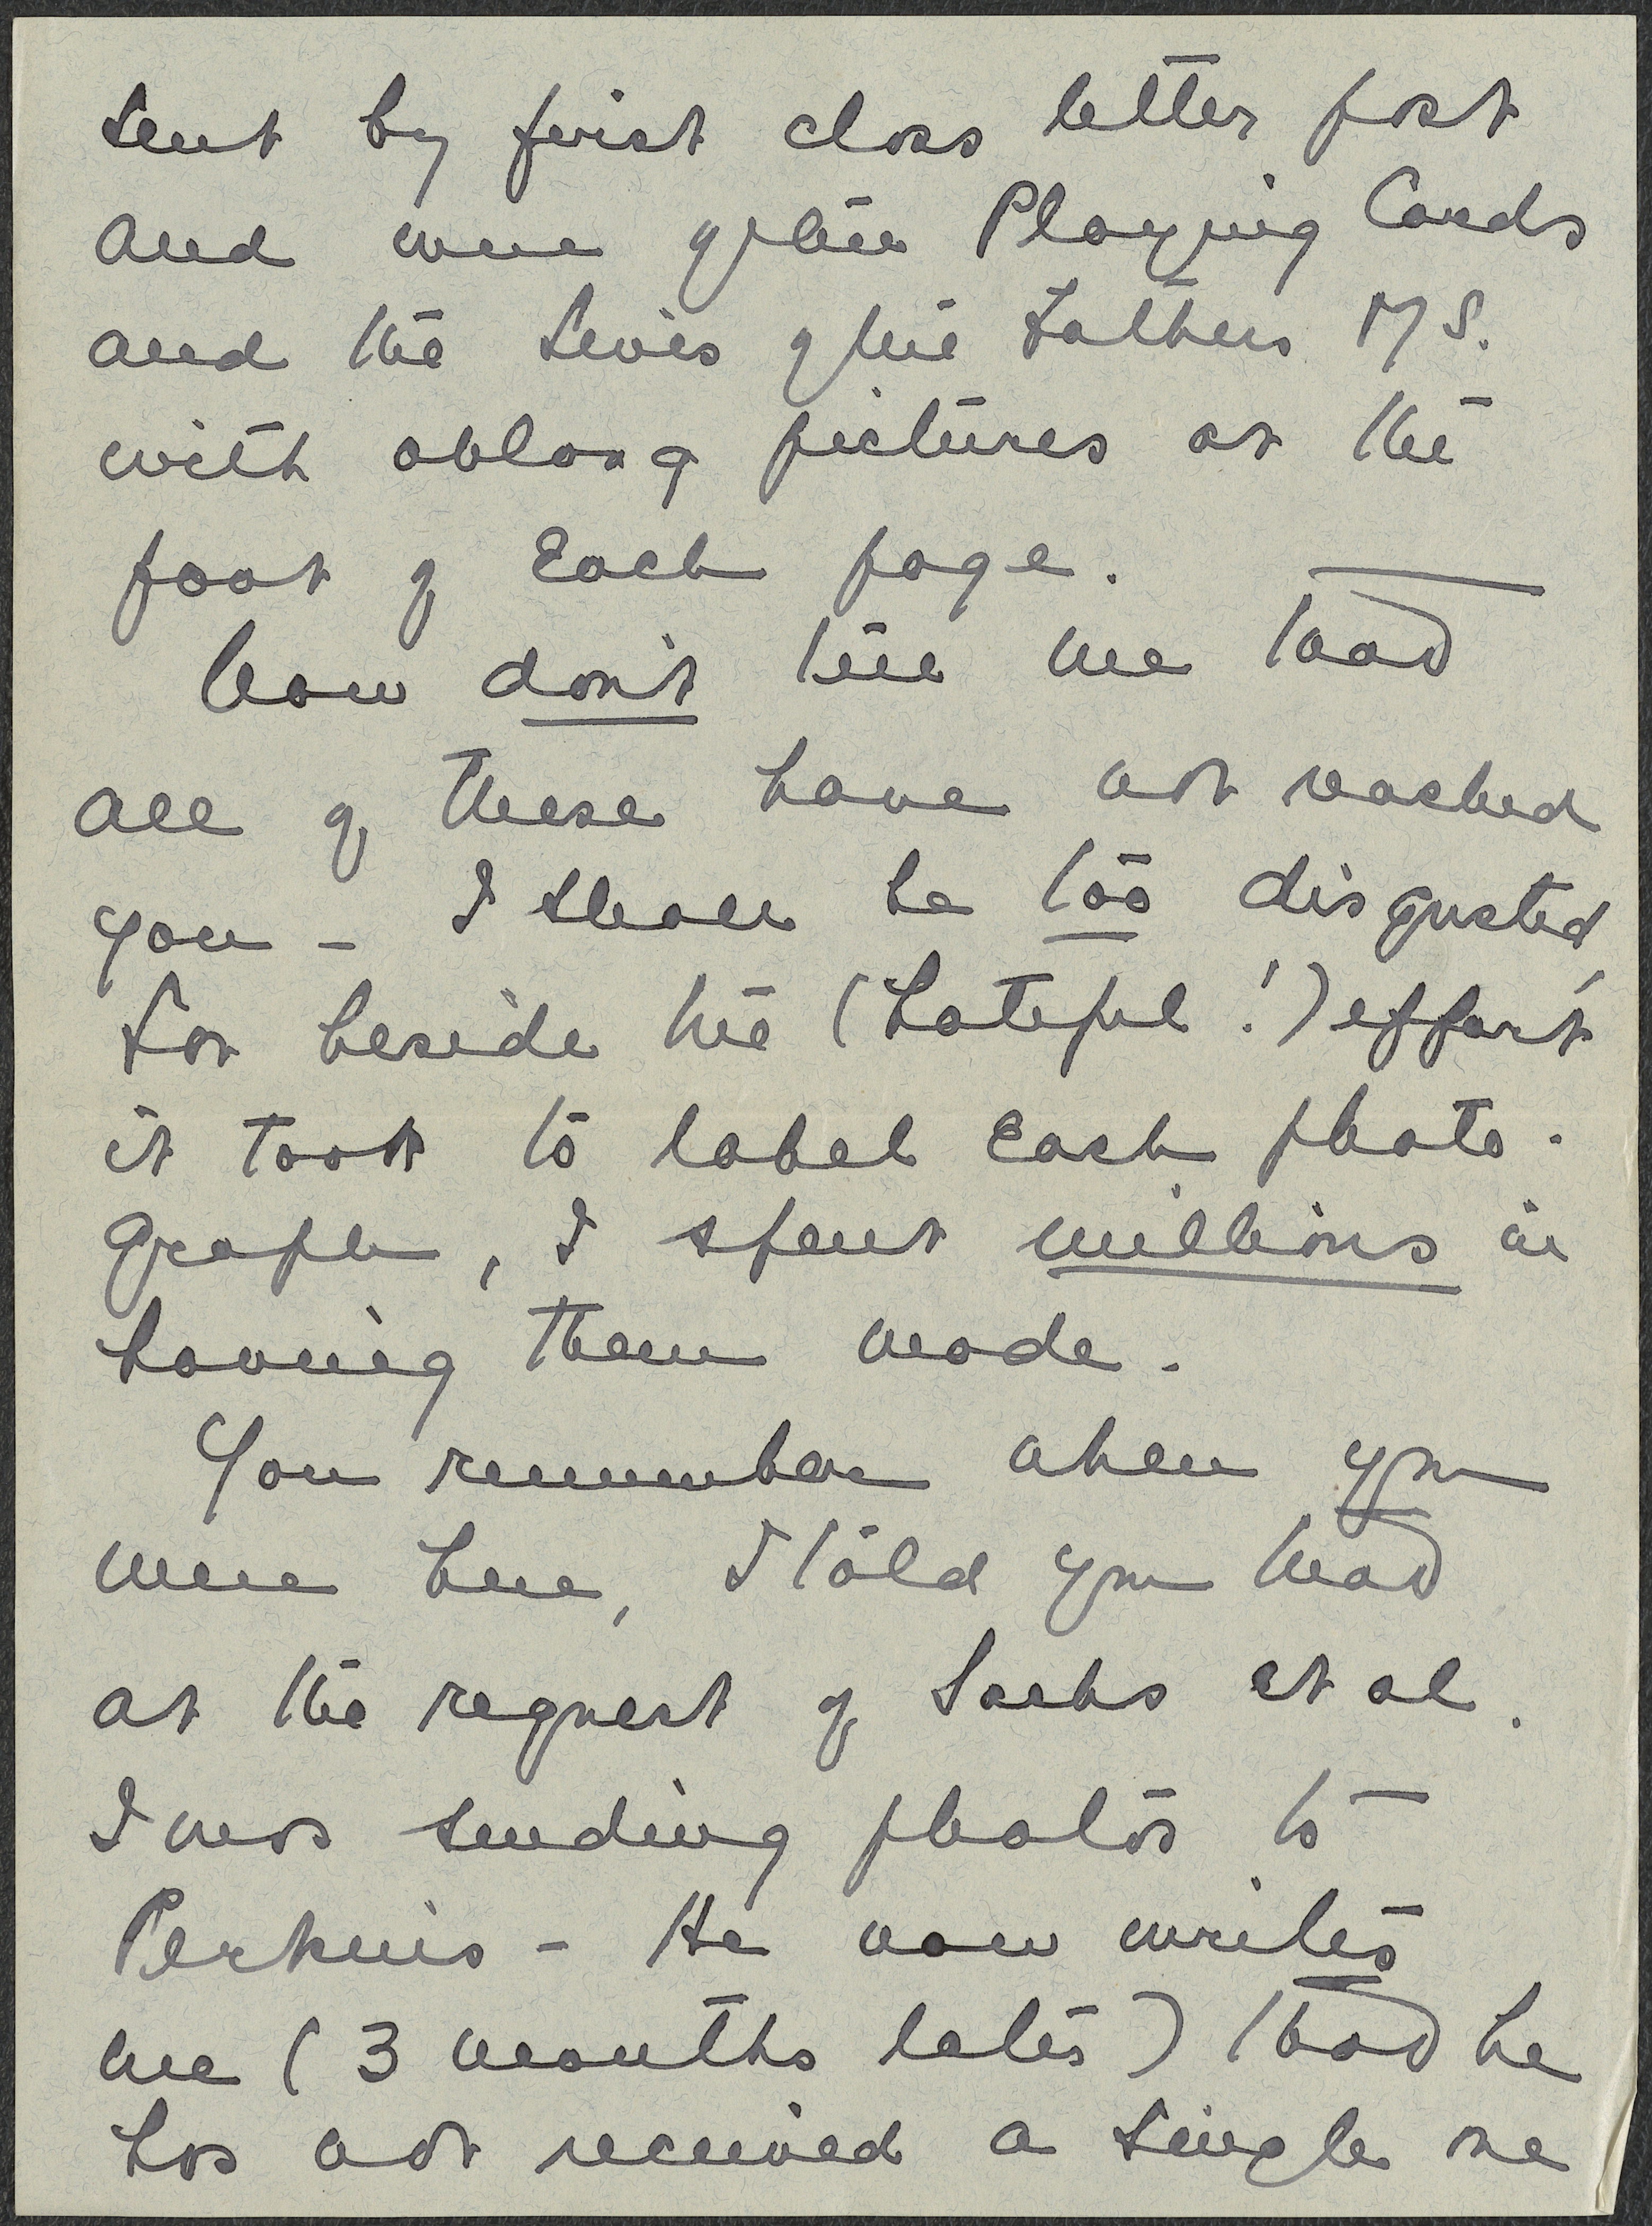sent by first class letter post and were of the Playing Cards and the Lives of the Father MS. with oblong pictures at the foot of each page.
Now don’t tell me that all of these have not reached you – I shall be too disgusted, for beside the (hateful!) effort it took to label each photograph, I spent millions in having them made –
You remember when you were here, I told you that at the request of Sachs et al. I was sending photos to Perkins – He now writes me (3 months later) that he has not received a single one